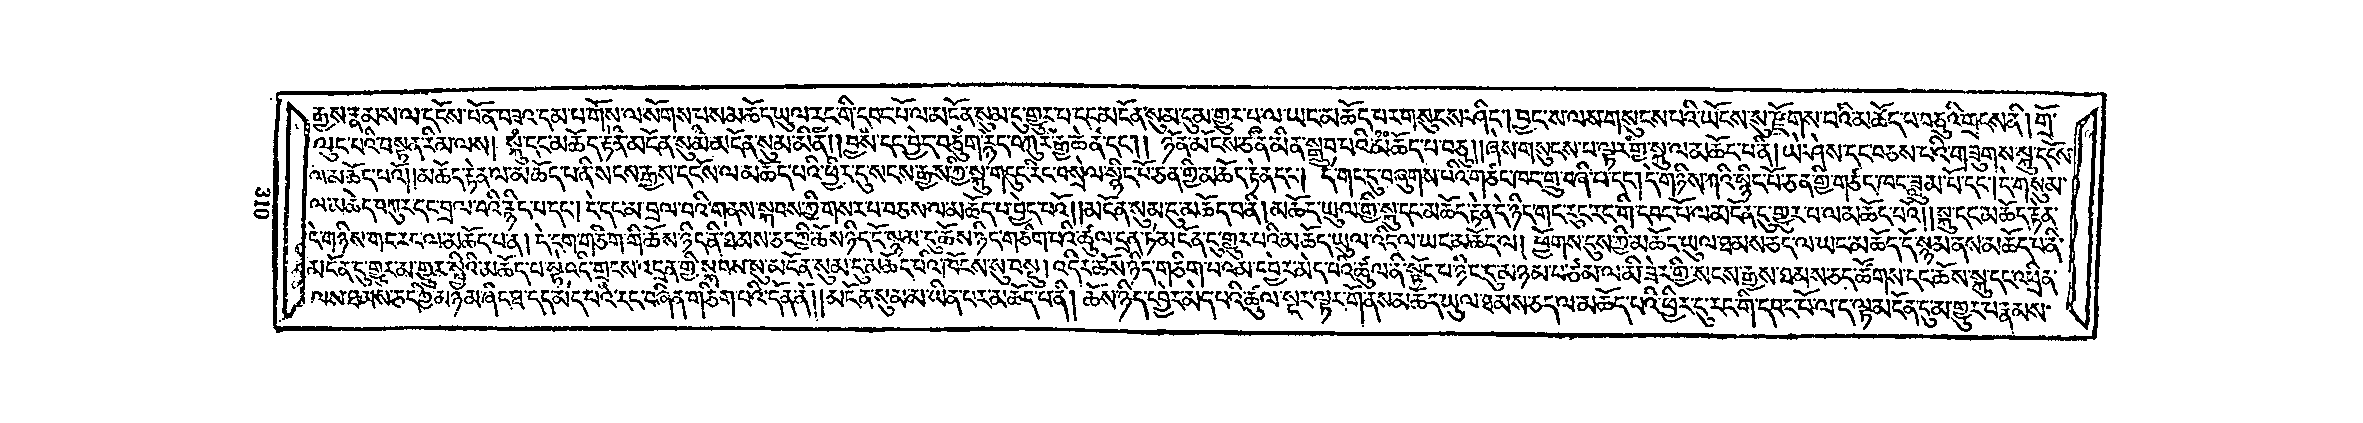རྒྱས་རྣམས་ལ་དངོས་པོ་ན་བཟའ་དམ་པ་གོས་ལ་སོགས་པས་མཆོད་ཡུལ་རང་གི་དབང་པོ་ལ་མངོན་སུམ་དུ་གྱུར་པ་དང་མངོན་སུམ་དུ་མ་གྱུར་པ་ལ་ཡང་མཆོད་པར་གསུངས་ཤིང་། བྱང་ས་ལས་གསུངས་པའི་ཡོངས་སུ་རྫོགས་པའི་མཆོད་པ་བཅུའི་གྲངས་ནི། གྲོ་
ལུང་པའི་བསྟན་རིམ་ལས། སྐུཾ་དང་མཆོད་རྟེན་མངོན་སུམ་མངོན་སུམ་མིན། །བྱས་དང་བྱེད་བཅུག་རྙེད་བཀུར་རྒྱ་ཆེན་དང་། །ཉོན་མོངས་ཅན་མིན་སྒྲུབ་པའི་མཆོད་པ་བཅུ། །ཞེས་གསུངས་པ་ལྟར་གྱི་སྐུ་ལ་མཆོད་པ་ནི། ཡེ་ཤེས་དང་བཅས་པའི་གཟུགས་སྐུ་དངོས་
ལ་མཆོད་པའོ། །མཆོད་རྟེན་ལ་མཆོད་པ་ནི་སངས་རྒྱས་དངོས་ལ་མཆོད་པའི་ཕྱིར་དུ་སངས་རྒྱས་ཀྱི་སྐུ་གདུང་རིང་བསྲེལ་སྙིང་པོ་ཅན་གྱི་མཆོད་རྟེན་དང་། དེ་གང་དུ་བཞུགས་པའི་གཙང་ཁང་གྲུ་བཞི་པ་དང་། དེ་གཉིས་ཀའི་སྙིང་པོ་ཅན་གྱི་གཙང་ཁང་ཟླུམ་པོ་དང་། དེ་གསུམ་
ལ་མཆེད་བཀུར་དང་བྲལ་བའི་རྙིང་པ་དང་། དེ་དང་མ་བྲལ་བའི་གནས་སྐབས་ཀྱི་གསར་པ་བཅས་ལ་མཆོད་པ་བྱེད་པའོ། །མངོན་སུམ་དུ་མཆོད་པ་ནི། མཆོད་ཡུལ་གྱི་སྐུ་དང་མཆོད་རྟེན་དེ་ཉིད་གང་རུང་རང་གི་དབང་པོ་ལ་མངོན་དུ་གྱུར་པ་ལ་མཆོད་པའོ། །སྐུ་དང་མཆོད་རྟེན་
དེ་གཉིས་གང་རང་ལ་མཆོད་པ་ན། དེ་དག་གཅིག་གི་ཆོས་ཉིད་ནི་ཐམས་ཅད་ཀྱི་ཆོས་ཉིད་དོ་སྙམ་དུ་ཆོས་ཉིད་གཅིག་པའི་ཚུལ་དྲན་ཏེ་མངོན་དུ་གྱུར་པའི་མཆོད་ཡུལ་འདི་ལ་ཡང་མཆོད་ལ། ཕྱོགས་དུས་ཀྱི་མཆོད་ཡུལ་ཐམས་ཅད་ལ་ཡང་མཆོད་དོ་སྙམ་ནས་མཆོད་པ་ནི་
མངོན་དུ་གྱུར་མ་གྱུར་སྤྱིའི་མཆོད་པ་སྟེ་འདི་གྲངས་འདྲན་གྱི་སྐབས་སུ་མངོན་སུམ་དུ་མཆོད་པའི་ཁོངས་སུ་བསྡུ། འདིར་ཆོས་ཉིད་གཅིག་པའམ་དབྱེར་མེད་པའི་ཚུལ་ནི་སྟོང་པ་ཉིད་དུ་མཉམ་པ་ཙམ་ལ་མི་ཟེར་གྱི་སངས་རྒྱས་ཐམས་ཅད་ཚོགས་དང་ཆོས་སྐུ་དང་འཕྲིན་
ལས་ཐམས་ཅད་ཀྱི་མཉམ་ཞིང་ཐ་དད་མེད་པའི་རང་བཞིན་གཅིག་པའི་དོན་ནོ། མངོན་སུམ་མ་ཡིན་པར་མཆོད་པ་ནི། ཆོས་ཉིད་དབྱེར་མེད་པའི་ཚུལ་སྔར་ལྟར་གོ་ནས་མཆོད་ཡུལ་ཐམས་ཅད་ལ་མཆོད་པའི་ཕྱིར་དུ་རང་གི་དབང་པོ་ལ་ད་ལྟ་མངོན་དུ་མ་གྱུར་པ་རྣམས་